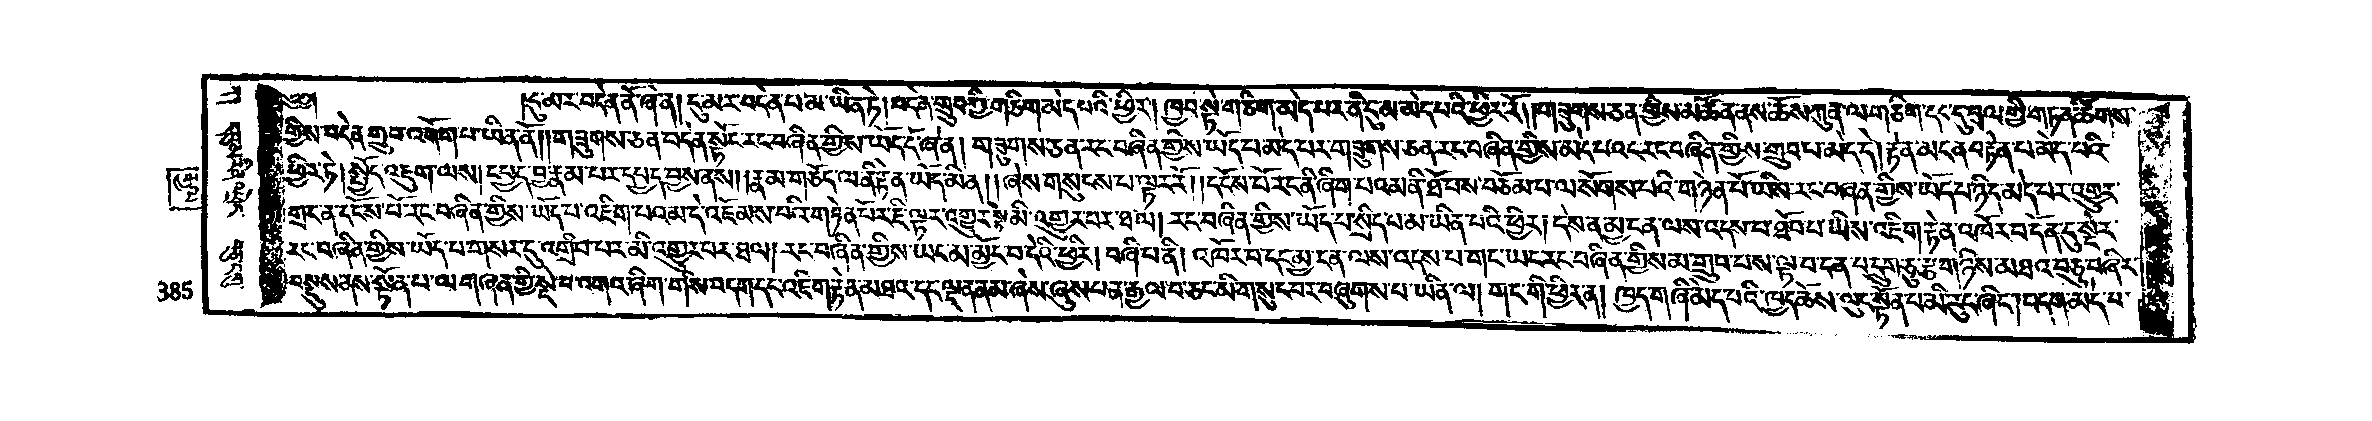༄༅། །དུ་མར་བདེན་ནོ་ཞེ་ན། དུ་མར་བདེན་པ་མ་ཡིན་ཏེ། བདེན་གྲུབ་ཀྱི་གཅིག་མེད་པའི་ཕྱིར། ཁྱབ་སྟེ་གཅིག་མེད་པར་ནི་དུ་མ་མེད་པའི་ཕྱིར་རོ། །གཟུགས་ཅན་གྱིས་མཚོན་ནས་ཆོས་ཀུན་ལ་གཅིག་དང་དུ་བྲལ་གྱི་གཏན་ཚིགས་
གྱིས་བདེན་གྲུབ་འགོག་པ་ཡིན་ནོ། །གཟུགས་ཅན་བདེན་སྟོང་རང་བཞིན་གྱིས་ཡོད་དོ་ཞེ་ན། གཟུགས་ཅན་རང་བཞིན་གྱིས་ཡོད་པ་མེད་པར་གཟུགས་ཅན་རང་བཞིན་གྱིས་མེད་པའང་རང་བཞིན་གྱིས་གྲུབ་པ་མེད་དེ། རྟེན་མངན་བརྟེན་པ་མེད་པའི་
ཕྱིར་ཏེ། སྤྱོད་འཇུག་ལས། དཔྱད་བྱ་རྣམ་པར་དཔྱད་བྱས་ནས། །རྣམ་གཅོད་ལ་ནི་རྟེན་ཡོད་མིན། །ཞེས་གསུངས་པ་ལྟར་རོ། །དངོས་པོ་རང་ནི་ཞིག་པའམ་ནི་ཐོ་བས་བཅོམ་པ་ལ་སོགས་པའི་གཉེན་པོ་ཡིས་རང་བཞིན་གྱིས་ཡོད་པ་ཉིད་མེད་པར་འགྱུར་
གྲང་ན་དངོས་པོ་རང་བཞིན་གྱིས་ཡོད་པ་འཇིག་པའམ་དེ་འཇོམས་པའི་གཉེན་པོར་ཇི་ལྟར་འགྱུར་སྟེ་མི་འགྱུར་བར་ཐལ། རང་བཞིན་གྱིས་ཡོད་པ་སྲིད་པ་མ་ཡིན་པའི་ཕྱིར། དེས་ན་མྱ་ངན་ལས་འདས་པ་ཐོབ་པ་ཡིས་འཇིག་རྟེན་འཁོར་བ་དོན་དུ་སྔེར་
རང་བཞིན་གྱིས་ཡོད་པ་གསར་དུ་འགྲིབ་པར་མི་འགྱུར་བར་ཐལ། རང་བཞིན་གྱིས་ཡང་མ་མྱོང་བ་དེའི་ཕྱིར། བཞི་པ་ནི། འཁོར་བ་དང་མྱ་ངན་ལས་འདས་པ་གང་ཡང་རང་བཞིན་གྱིས་མ་གྲུབ་པས་ལྟ་བ་ངན་པ་དྲུག་ཅུ་རྩ་གཉིས་མཐའ་བཅུ་བཞིར་
བསྡུས་ནས་སྟོན་པ་ལ་གཞན་གྱི་སྡེ་བ་འགའ་ཞིག་གིས་བདག་དང་འཇིག་རྟེན་མཐའ་དང་ལྡན་ནམ་ཞེས་ཞུས་པ་ན་རྒྱལ་བ་ཅང་མི་གསུང་བར་བཞུགས་པ་ཡིན་ལ། གང་གི་ཕྱིར་ན། ཁྱད་གཞི་མེད་པའི་ཁྱད་ཆོས་ལུང་སྟོན་པ་མི་རུང་ཞིང་། བདག་མེད་པ་